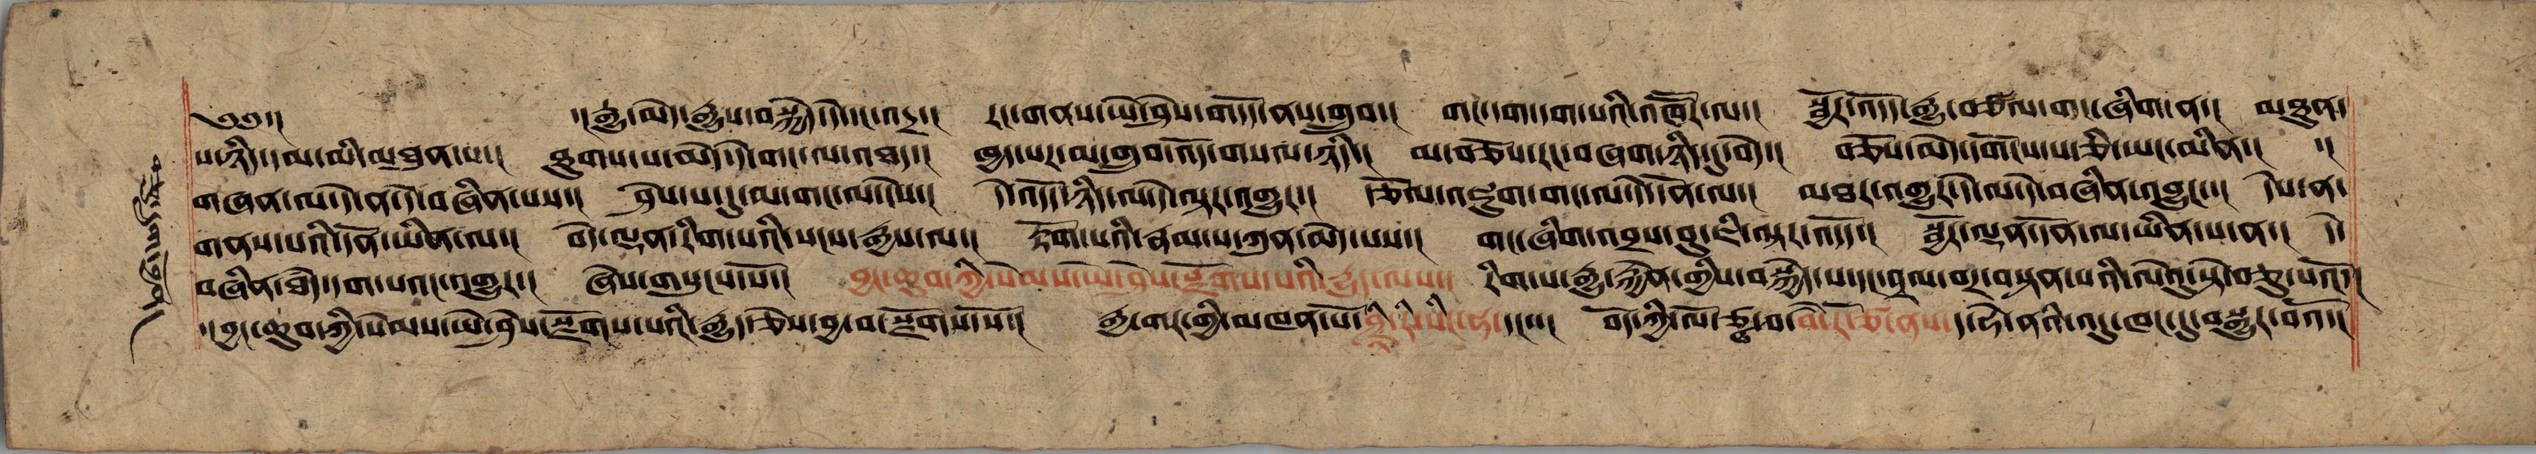༄༅་། ་།རྒྱུ་མེད་རྒྱུས་བསྐྱེད་དེ་དང་འདྲ་། རང་གནས་ཡེ་ཤེས་གདོད་ནས་གྲུབ་། གང་དག་དག་པའི་འཁཽར་ལ་། སྦྱོར་འདོད་རྒྱུ་བཙལ་གང་ཞིག་ན་། མཐུན་
པ་ཉིད་དམ་མི་མཐུན་པ་། ཐུགས་པ་མེད་དེ་གང་ལ་འཐད་། ཁྱད་པར་མ་གྲུབ་འོད་གསལ་ཉིད་། མ་བཅོས་རང་བཞག་ཉིད་དུ་བདེ་། བཅོས་མེད་དགོངས་པ་ཅི་ཡང་མིན་། ་།
གཞན་ལ་དེ་ན་དེ་བཞིན་པས་། ཤེས་པ་དུ་མ་གང་ལ་ངེས་། དེ་འདོད་ཉིད་ལ་དེ་ལྟར་འགྱུར་། རྩོལ་འཇུག་གང་ལ་དེ་དོན་ལ་། མཐར་འགྱུར་དེ་ལ་དེ་བཞིན་འབྱུང་་། དེས་ན་
གནས་པའི་དོན་ཡིན་ལ་། བདེ་ལྡན་རིག་པའི་སངས་རྒྱས་ལ་། རྟོག་པའི་རྣམ་པ་ཀུན་མེད་པས་། གང་ཞིག་འབྲས་བུ་ཇི་ལྟར་འདོད་། སྦྱོར་ལྡན་དོན་ལ་ཡིན་པ་ན་། དེ་
བཞིན་ཐདཾ་དག་པའང་འགྱུར་། ཞེས་གསུངས་སོ་། བྱང་ཆུབ་ཀྱི་སེམས་ཡེ་ཤེས་སྫོགས་པའི་རྒྱུད་ལས་། རིག་པ་རྒྱུ་རྐྱེན་གྱིས་བསྐྱེད་པ་དང་བྲལ་བར་བསྟན་པའི་ལེའུ་སྟེ་བཅུ་པའོ་།
་།བྱང་ཆུབ་ཀྱི་སེམས་ཡེ་ཤེས་སྫོགས་པའི་རྒྱུད་ཅེས་བྱ་བ་སྫོགས་སོ་། རྒྱ་གར་གྱི་མཁན་པོ་ཤྲི་རི་སིང་ཧ་དང་་། བོད་ཀྱི་ལོ་ཙྪ་བ་བཻ་རོ་ཙ་ནས་ད་ཧེ་ནའི་འདུ་ཁང་ངུ་བསྒྱུར་བའོ་།